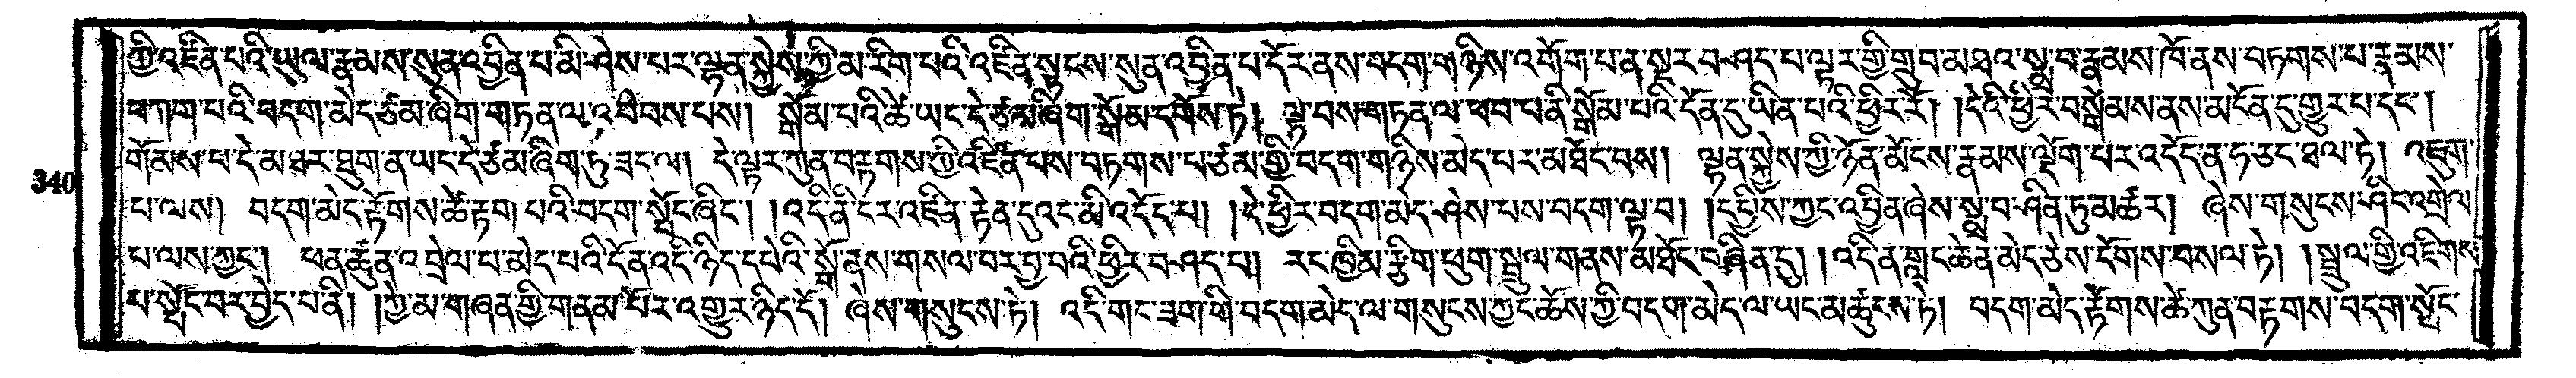ཀྱི་འཛིན་པའི་ཡུལ་རྣམས་སུན་འབྱིན་པ་མི་ཤེས་པར་ལྷན་སྐྱེས་ཀྱི་མ་རིག་པའི་འཛིན་སྟངས་སུན་འབྱིན་པ་དོར་ནས་བདག་གཉིས་འགོག་པ་ན་སྔར་བཤད་པ་ལྟར་གྱི་གྲུབ་མཐའ་སྨྲ་བ་རྣམས་ཁོ་ནས་བཏགས་པ་རྣམས་
བཀག་པའི་བདག་མེད་ཙམ་ཞིག་གཏན་ལ་འབེབས་པས། སྒོམ་པའི་ཚེ་ཡང་དེ་ཙམ་ཞིག་སྒོམ་དགོས་ཏེ། ལྟ་བས་གཏན་ལ་ཕབ་པ་ནི་སྒོམ་པའི་དོན་དུ་ཡིན་པའི་ཕྱིར་རོ། །དེའི་ཕྱིར་བསྒོམས་ནས་མངོན་དུ་གྱུར་པ་དང་།
གོམས་པ་དེ་མཐར་ཐུག་ན་ཡང་དེ་ཙམ་ཞིག་ཏུ་ཟད་ལ། དེ་ལྟར་ཀུན་བརྟགས་ཀྱི་འཛིན་པས་བཏགས་པ་ཙམ་གྱི་བདག་གཉིས་མེད་པར་མཐོང་བས། ལྷན་སྐྱེས་ཀྱི་ཉོན་མོངས་རྣམས་ལྡོག་པར་འདོད་ན་ཧ་ཅང་ཐལ་ཏེ། འཇུག་
པ་ལས། བདག་མེད་རྟོགས་ཚེ་རྟག་པའི་བདག་དོན་འདི་ཉི་དཔེའི་སྒོ་ནས་གསལ་བར་བྱ་བའི་ཕྱིར་བཤད་པ། རང་ཁྱིམ་རྩིག་ཕུག་སྦྲུལ་གནས་མཐོང་བཞིན་དུ། །འདི་ན་ཀྱང་འབྱིན་ཞེས་སྨྲ་བ་ཤིན་ཏུ་ཚར། །ཞེས་གསུངས་ཤིང་འགྲེལ་
པ་སྤོང་བར་བྱེད་པ་ནི། །ཀྱེ་མ་གཞན་གྱི་གནམ་པོར་འགྱུར་ཉིད་དོ། །ཞེས་གསུངས་ཏེ། འདི་གང་ཟག་གི་བདག་མེད་ལ་གསུངས་ཀྱང་ཆོས་ཀྱི་བདག་མེད་ལ་ཡང་མཚུངས་ཏེ། བདག་མེད་རྟོགས་ཚེ་ཀུན་བརྟགས་བདག་སྤོང་